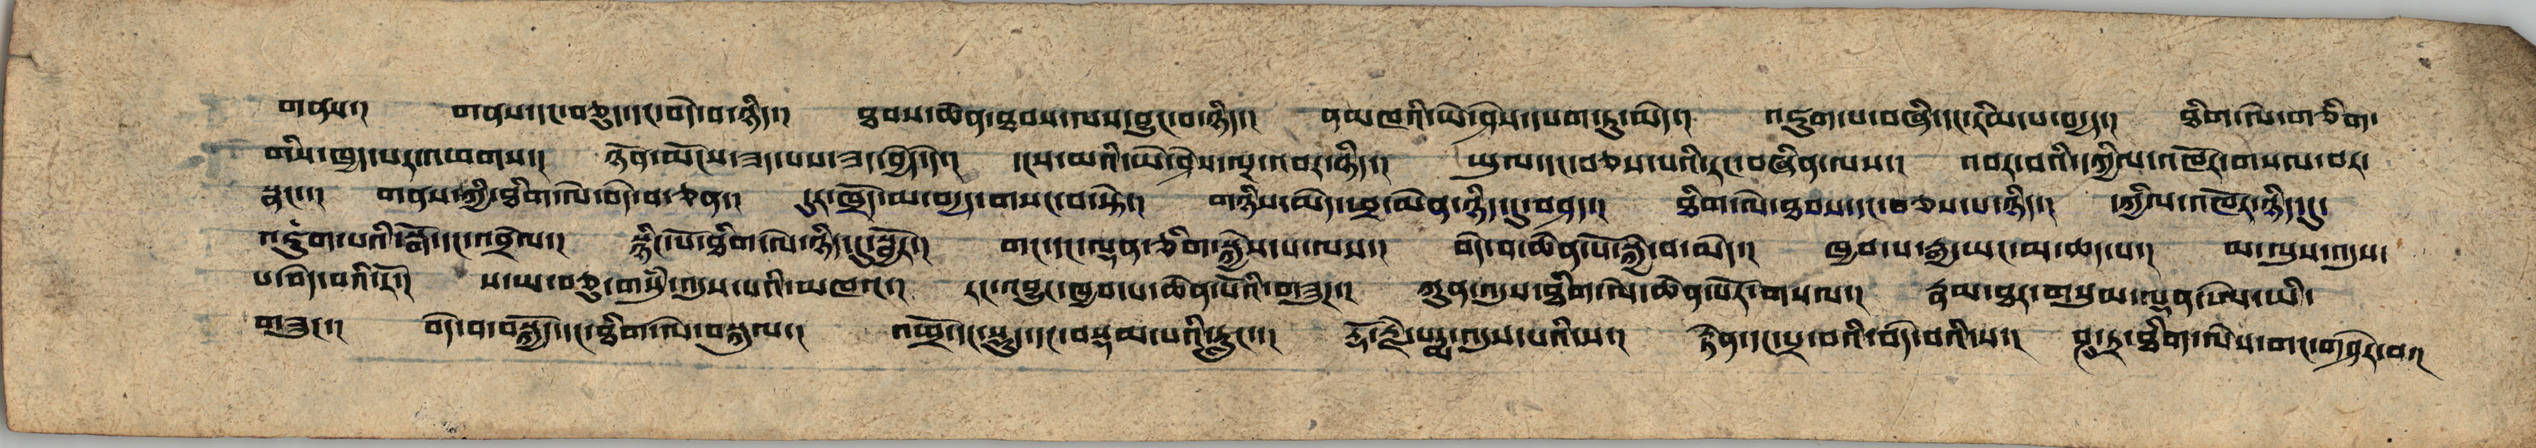གནས་། གནས་དང་བཅུད་དང་བདེ་བ་ཉིད་། ཐབས་ཆེན་ཐབས་ལས་བྱུང་བ་ཉིད་། ནམཁའི་ཡེ་ཤེས་དཔག་ཏུ་མེད་། འཇུག་པ་བཞི་དང་རིམ་པ་བདྱད་། ཐིག་ལེ་གཅིག་
གིས་ཁྱད་པར་འཕགས་། ཉོན་མོངས་ཟད་པས་ཟད་བྱེད་དེ་། དངས་མའི་ཡེ་ཤེས་ལྔ་འབར་ཉིད་། ཡུལ་དང་བཅས་པའི་རང་བཞིན་ལས་། འབར་བའི་དཀྱིལ་འཁོར་གསལ་བར་
སྣང་་། གནས་ཀྱི་ཐིག་ལེ་བདེ་བ་ཅན་། དུར་ཁྲོད་མ་བདྱད་གསང་བ་སྟེ་། གཉིས་མེད་ཕྲ་མེན་ཉིད་དུ་བཤད་། ཐིག་ལེ་ཐབས་དང་བཅས་པ་ཉིད་། དཀྱིལ་འཁོར་ཉིད་དུ་
འཇུག་པའི་སྒོ་དང་འབྲེལ་། སྙིང་པོ་ཐིག་ལེ་ཉིད་དུསྦྱོར་། གང་དང་ལྷན་ཅིག་སྐྱེས་པ་ལས་། བདེ་བ་ཆེན་པོ་སྐྱེ་བ་མེད་། ཁྱབ་པ་རྒྱ་ཡང་མ་ཆད་པ་། མ་ལུས་འདུས་
པ་བདེ་བའི་རོ་། ས་ཡ་བཅུ་གསུཾ་འདུས་པའི་མཁའ་། རང་འབྱུང་ཁྱབ་པ་ཆེན་པོའི་གཟུཌ་། ཀུན་འདུས་ཐིག་ལེ་ཆེན་པོར་གསལ་། རྣམ་ཐར་གསུམ་ལྡན་ཨེ་ཡི་
གཟུང་། བདེ་བ་བསྐྱོད་དང་ཐིག་ལེ་བསྐུལ་། འཕྲོ་དང་སྡུད་དང་བསྡམ་པའི་རླུང་། རྡོ་རྗེ་པདྨ་འདུས་པའི་ས་། རྟེན་དང་པྲ་བའི་བདེ་བའི་ས་། ཤུ་ཏྲ་ཐིག་ལེས་གང་གཤེར་བ་།